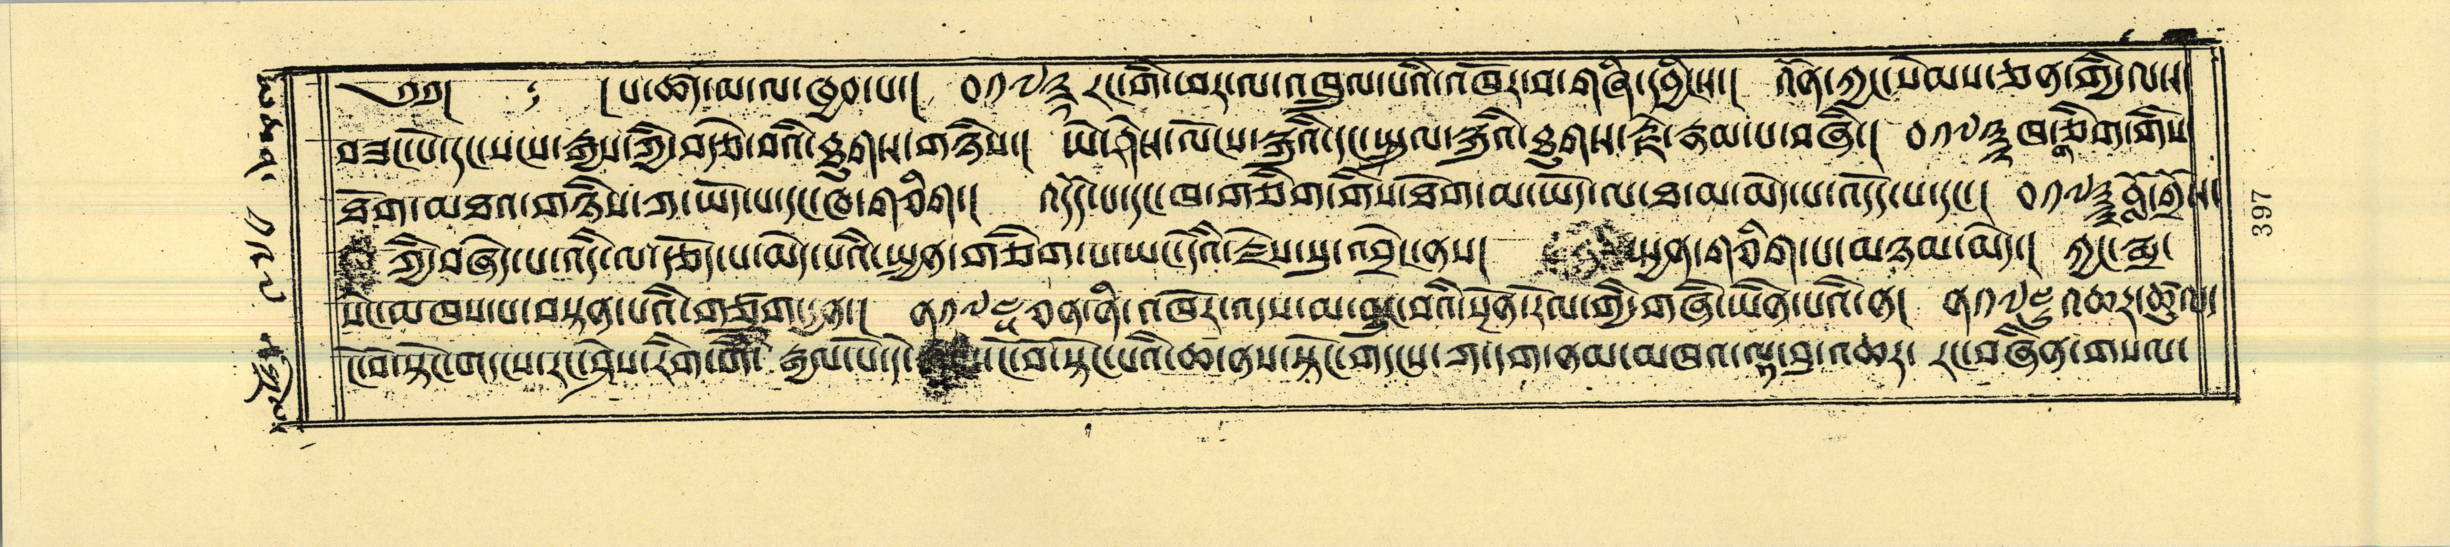པ་ཚད་མ་ལ་ ༼ཁྱབ་པ།༽བ༡༧༢།༡ རང་གི་ཕར་ལ་འཁྲུལ་པའི་འཁོར་བ་ ༼གཞི་དབྱིངས།༽ ༼འོན་ཀྱང་༽སེམས་ཅན་གྱི་ ༼ལས་༽
བཟང་པོ་དང་སངས་རྒྱས་ཀྱི་བརྩེ་བའི་ ༼ཐུགས་༽གཉིས། ༼ཡེ་ཤེས་༽ལོངས་སྐུའི་དང་སྤྲུལ་སྐུའི་ ༼ཐུགས་རྗེ་༽རྣམ་པ་བཞི། བ༡༧༣།༢ ཁ་གཅིག་གིས་
ཐོག་མཐའ་གཉིས་ཀ་ཡོད་པ་དང་ ༼ཁ་གཅིག༽ ༼འདོད་པ་དང་༽ཁ་གཅིག་གིས་ཐོག་མ་ཡོད་ལ་ཐ་མ་མེད་པ་འདོད་པ་དང། བ༡༧༣།༣ ༼བློ་གྲོས་༽
ཀྱི་བཞེད་པ་འདི་ལ་རྩོད་པ་མེད་པའི་སྤྱན་གཅིག་པ་ཡང་དེའི་རྗེས་སུ་འབྲེང་ནས། ༼སྤྱན་གཅིག་པ་༽མཉམ་མེད། ༼ཀྱང་༽སྨྲ་
སེང་མཁས་པ་བསྟན་པའི་གཙུག་རྒྱན། ན༡༧༤།༥ ༼ཅན་ནི་༽འཁོར་འདས་མ་ལྟུང་བའི་སྔོན་རོལ་གྱི་གཞི་ཡིན་པའི་ན། ན༡༧༤།༦ ༼འཆར་ཚུལ་༽
ངོ་བོ་སྟོང་གདངས་རང་ཤེས་རིག་གི་རྒྱལ་པོ་དེ་ངོ་བོ་སྟོང་པའི་ཆ་ནས་སྟོང་གདངས་ཀ་དག་ནམ་མཁའ་ལྟ་བུ་འཆར། རང་བཞིན་གསལ་